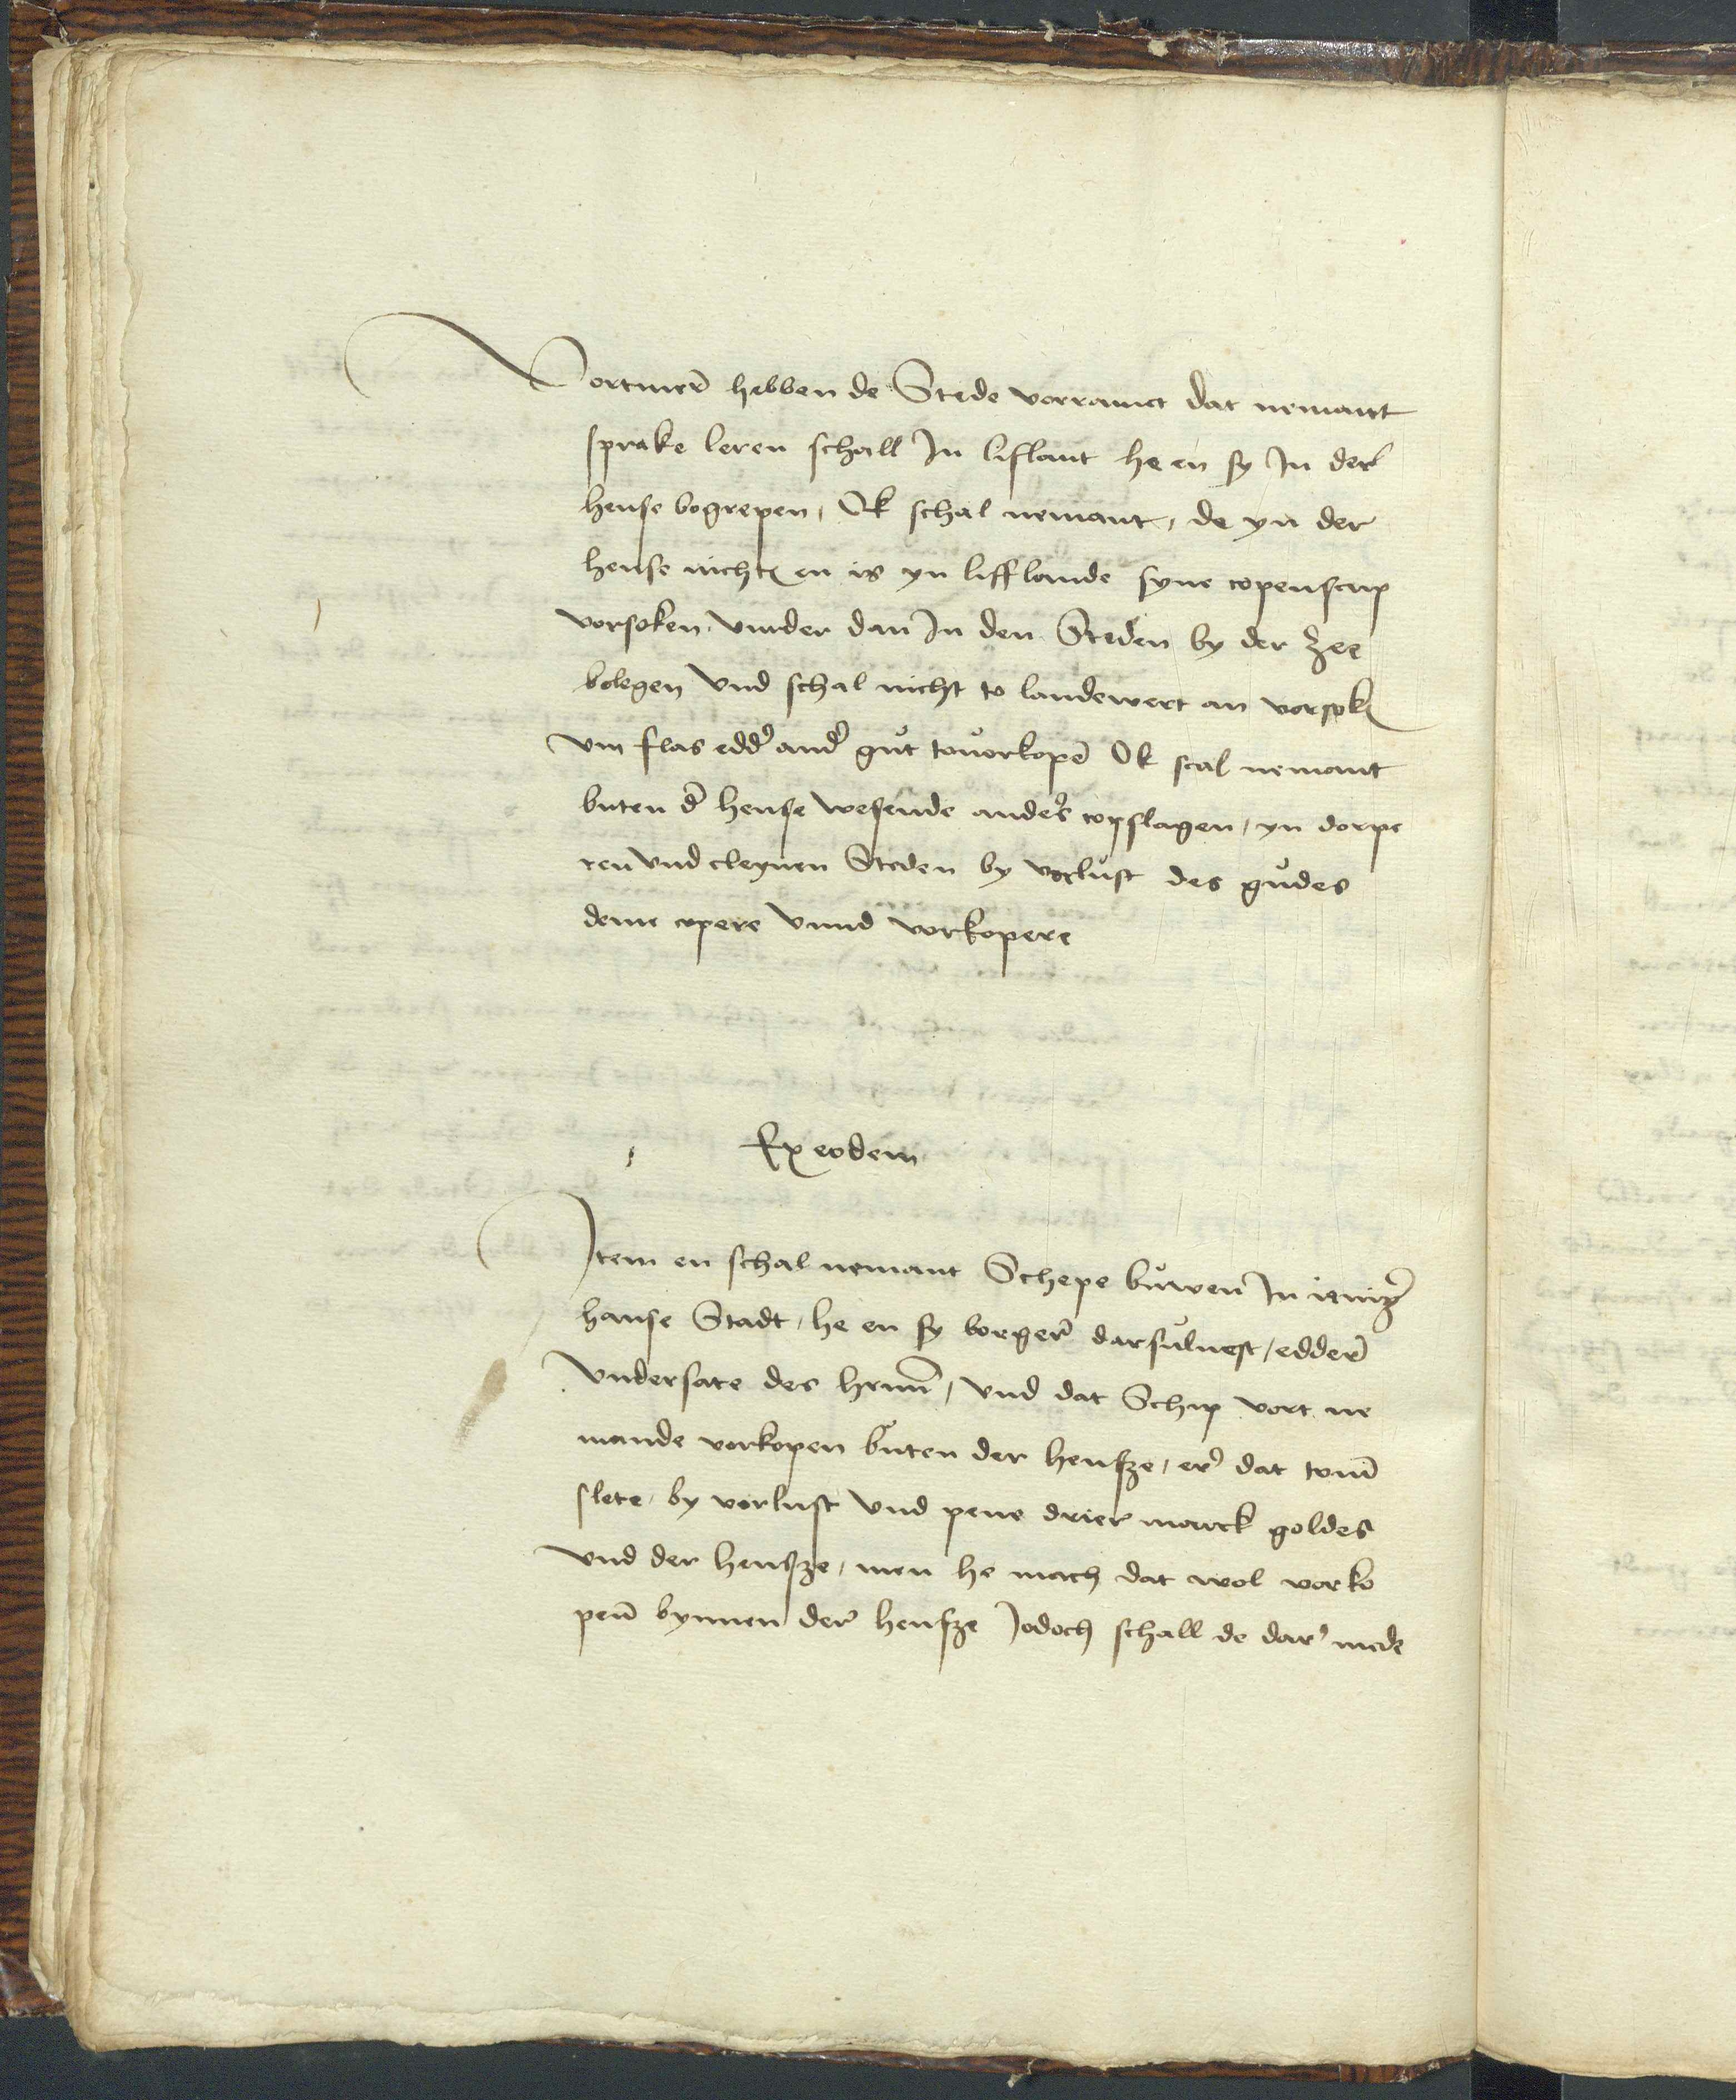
Vortmer hebben de Stede vorramet dat nemant
sprake leren schall Jn liflant he en se Jn der
hense bogrepen, Ok schal nemant, de yn der
hense nicht en is yn lifflande syne copenscup
vorsoken, vnder dan Jn den Steden by der Zee
bolegen vnd schal nicht to landewert an vorsoken
vm flas edder ander gut touorkopen Ok scal nemant
buten der hense wesende anderer copslagen, yn dorpe¬
ren vnd cleynen Steden by vorlust des gudes
deme copere vnnd vorkopere
Ex eodem
Item en schal nemant Schepe buwen Jn ieniger
hanse Stadt, he en sy borger darsuluest, edder
vndersate des hernn, vnd dat Schip vort ne¬
mande vorkopen buten der hensze, er dat tom
slete by vorlust vnd pene drier mark goldes
vnd der hensze, men he mach dat wol vorko¬
penn bynnen der hensze Jodoch schall de dar mede
